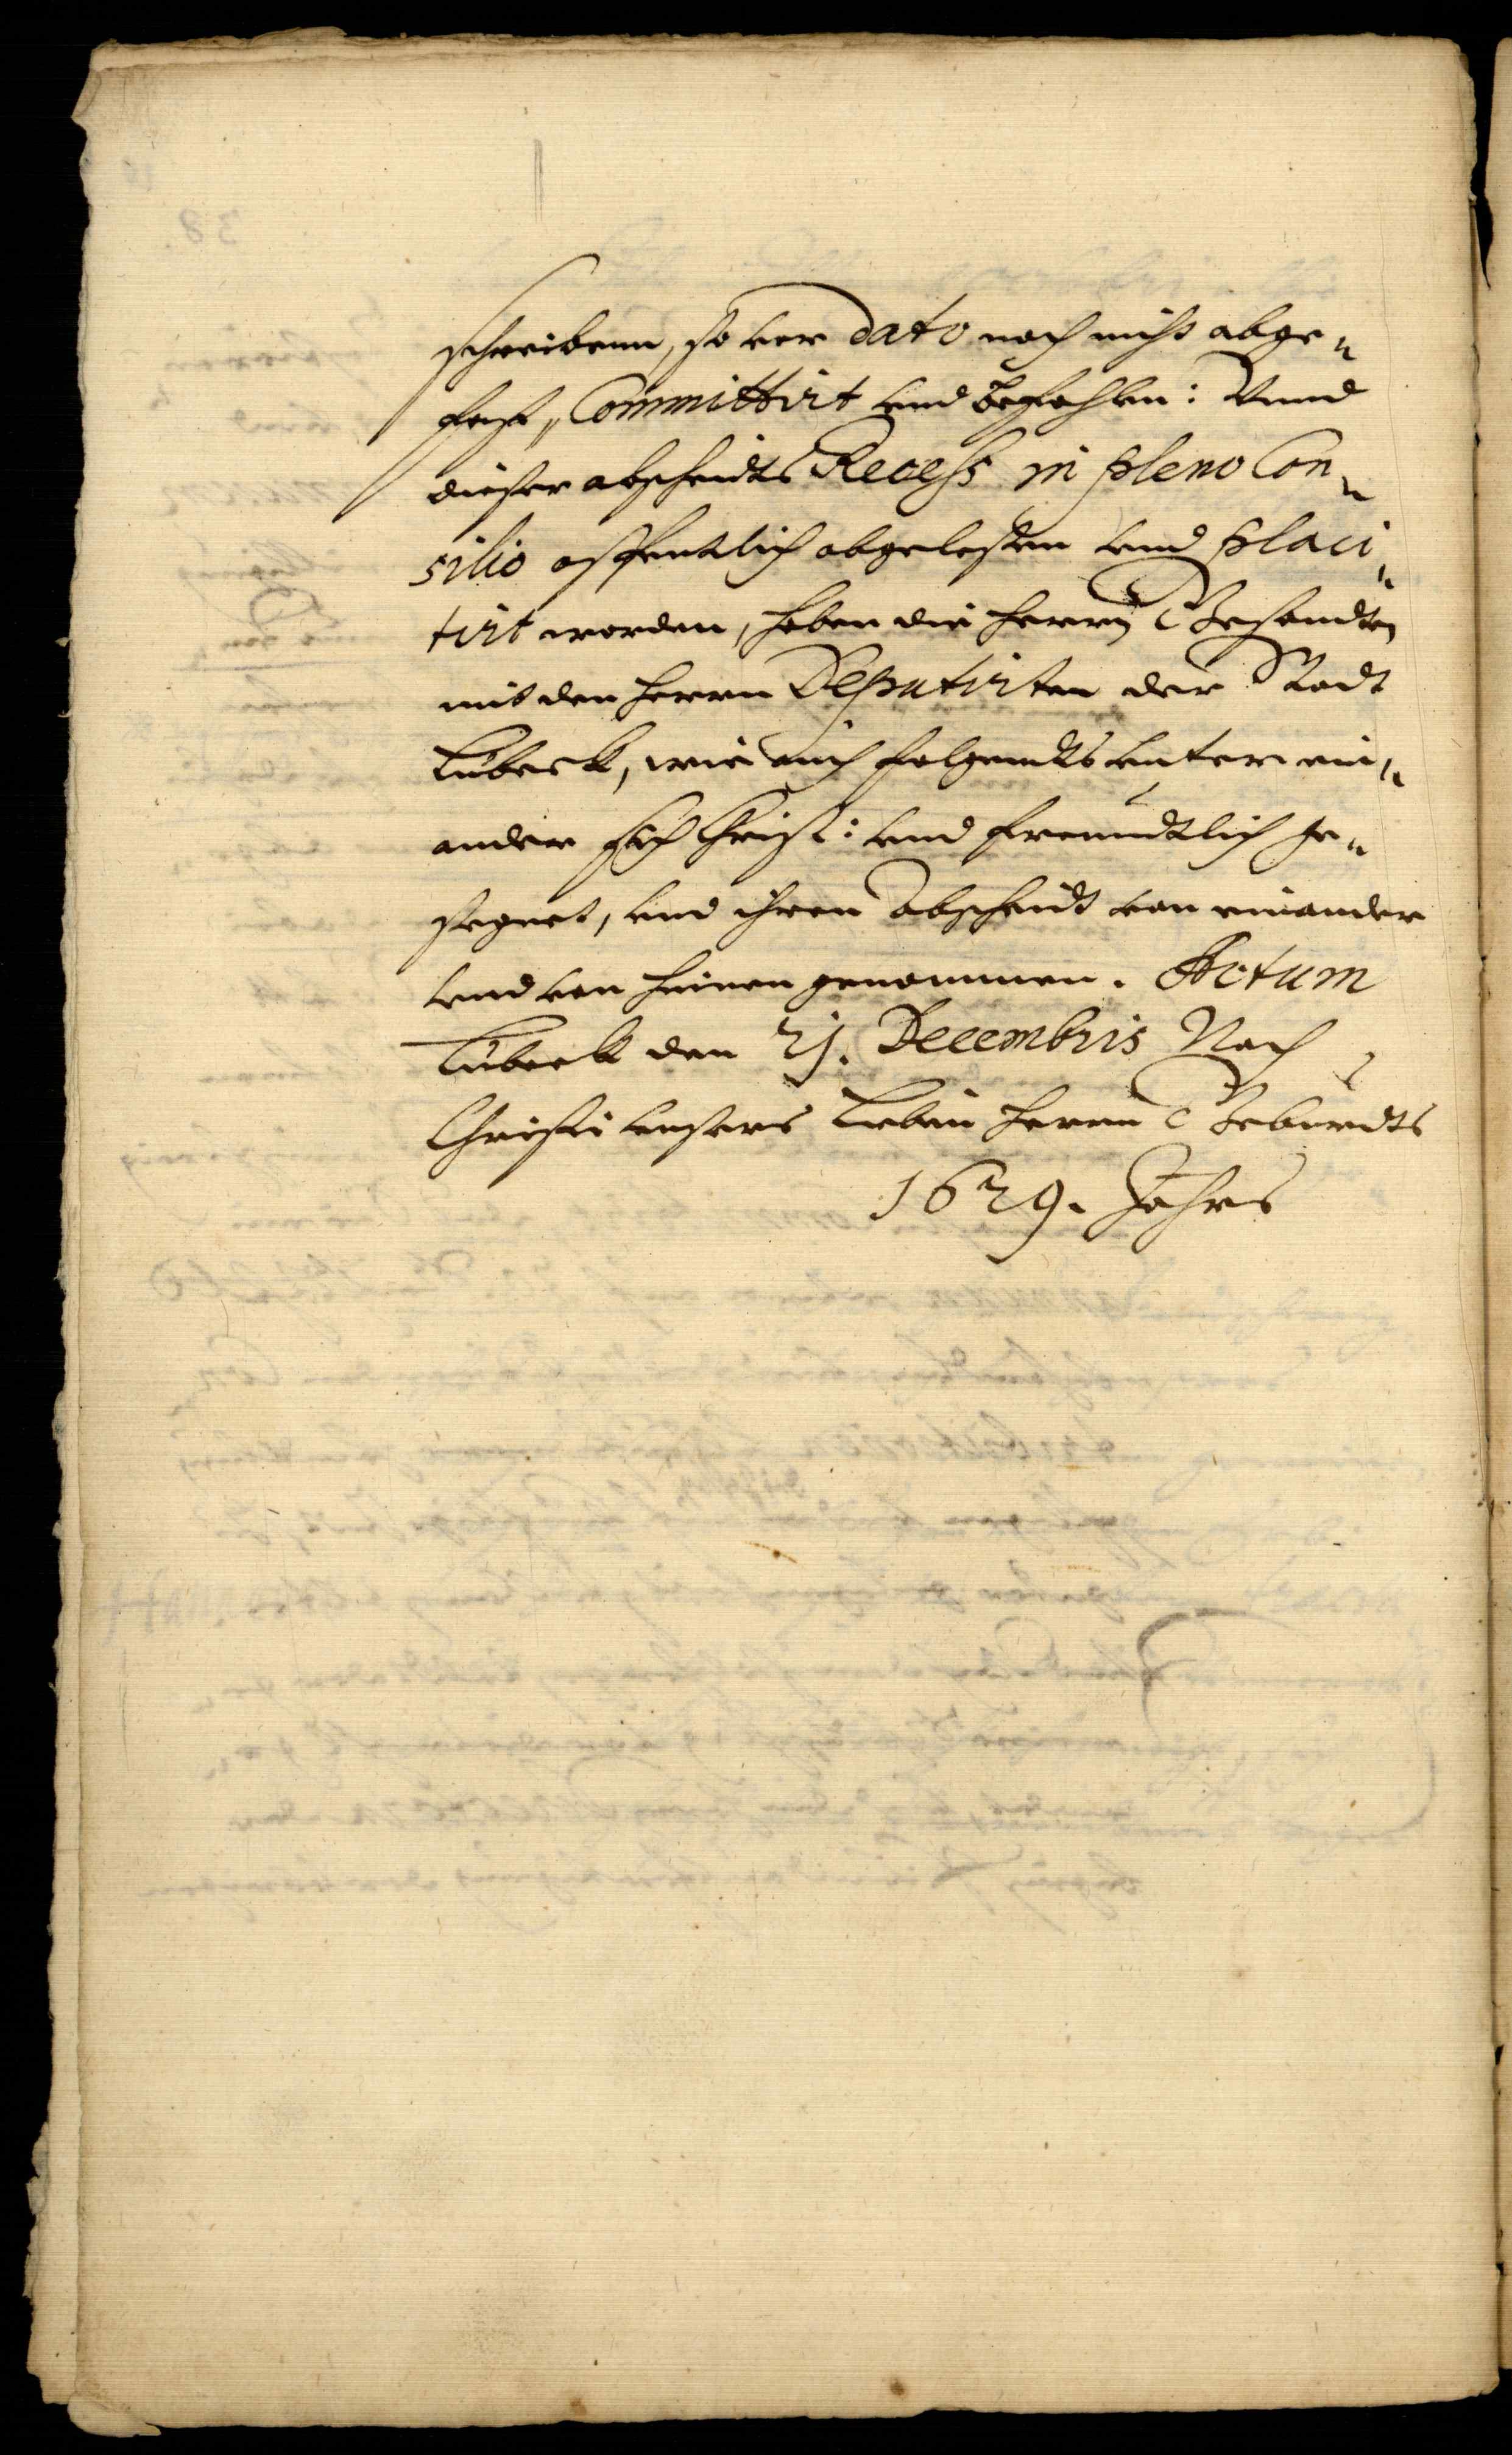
schreibenn, so vor dato noch nicht abge¬
fast, Committirt vnd befohlen: Vnnd
dieser abscheidts Recess in pleno Con¬
silio offentlich abgelesen vnd placi¬
tirt worden, haben die herrn Gesandten
mit den herrn Deputirten der Stadt
Lubeck, wie auch folgendts vnter ein¬
ander sich Christ: vnd freundtlich ge¬
segnet, vnd ihren Abscheidt von einander
und von hinnen genommen. Actum
Lubeck den 21. Decembris Nach
Christi vnsers Lieben Herrn Geburdts
1629. Iahrs
